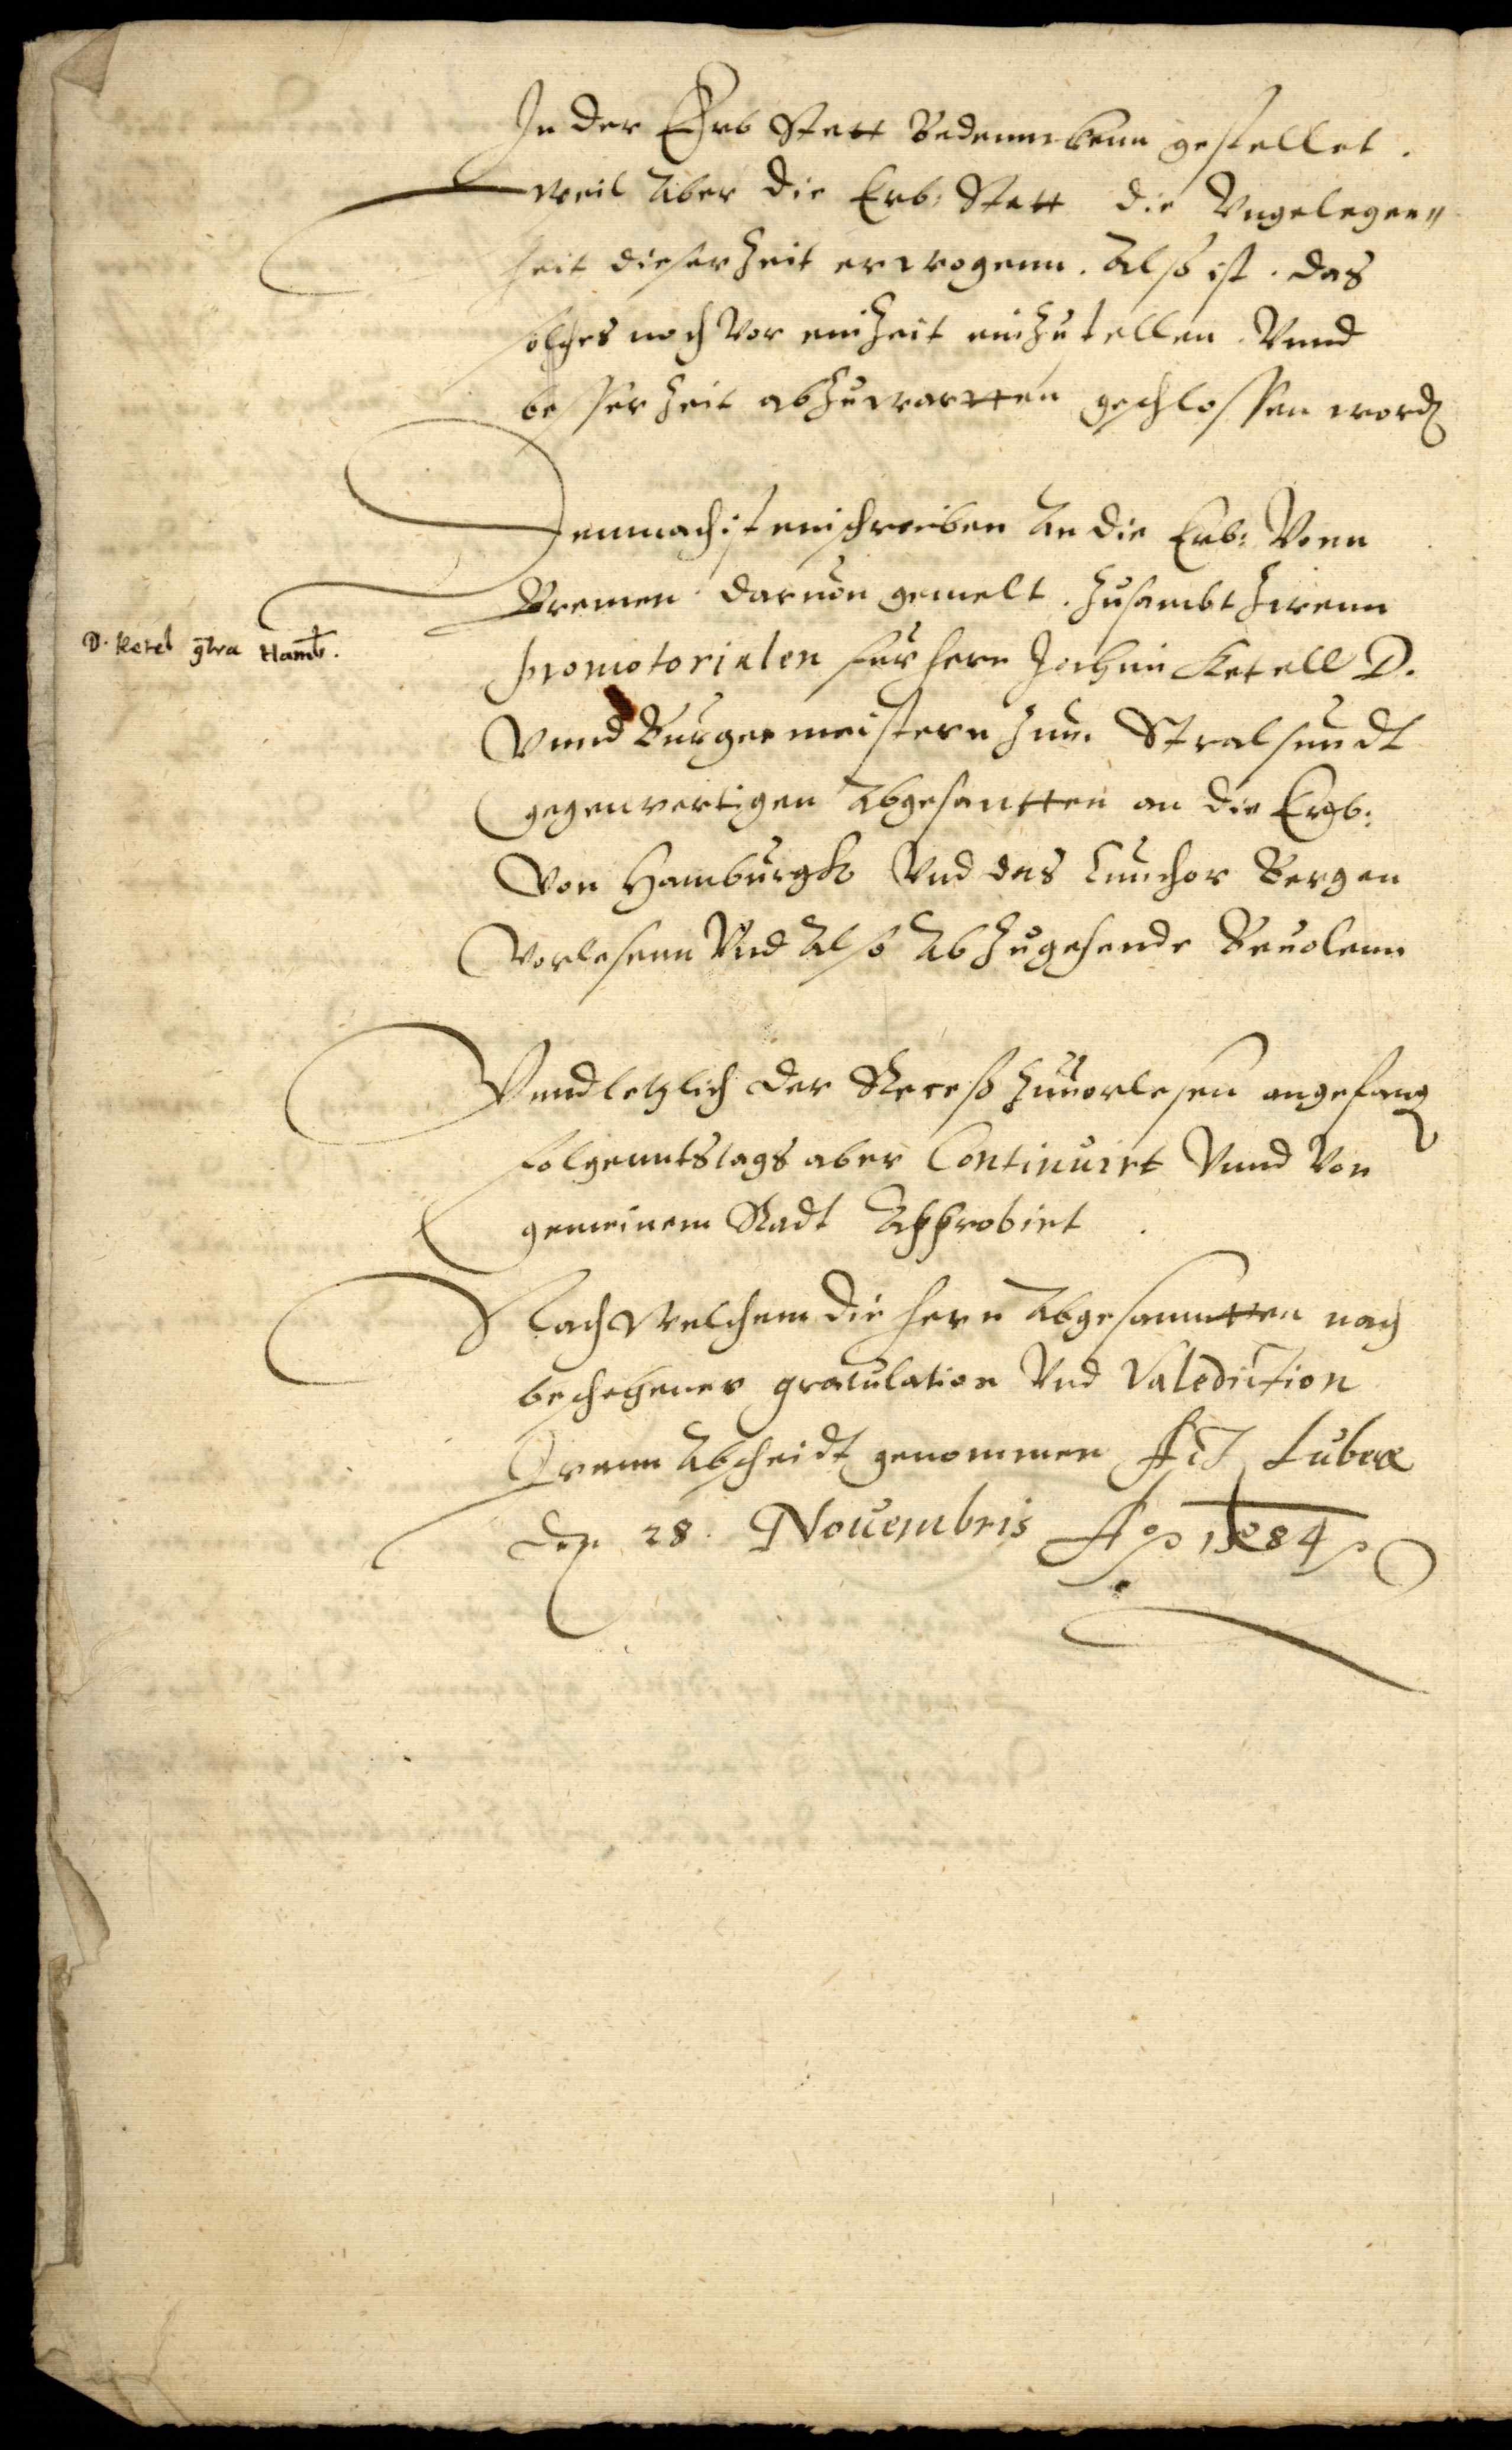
In der Erb Stett Bedenncken gestellet,
weil Aber die Erb: Stett die Vngelegen¬
heit dieser Zeit erwogenn, Alß ist, das
solches noch vor ein Zeit einzustellen, Vnnd
besser Zeit abzuwartten geschlossen worden
Demnach ist ein schreiben An die Erb: Vonn
Bremen daruon gemelt, zusambt zween
promotorialen fur hern Iochim Ketell D.
Vnnd Burgermeistern zum Stralsundt
gegenwertigen Abgesantten an die Erb:
Von Hamburgk Vnd das Cunthor Bergen
Vorlesenn Vnd Also Abzugehende Beuolenn
D. Ketel contra Hamb.
Vnnd letzlich der Receß zuuorlesen angefangen
folgenntstags aber Continuirt Vnnd von
gemeinem Radt Approbirt.
Nach welchem die hern Abgesanntten nach
beschehener gratulation Vnd Valediction
Irenn Abscheidt genommen Act Lubecae
den 28. Nouembris Ao p 1584 p
